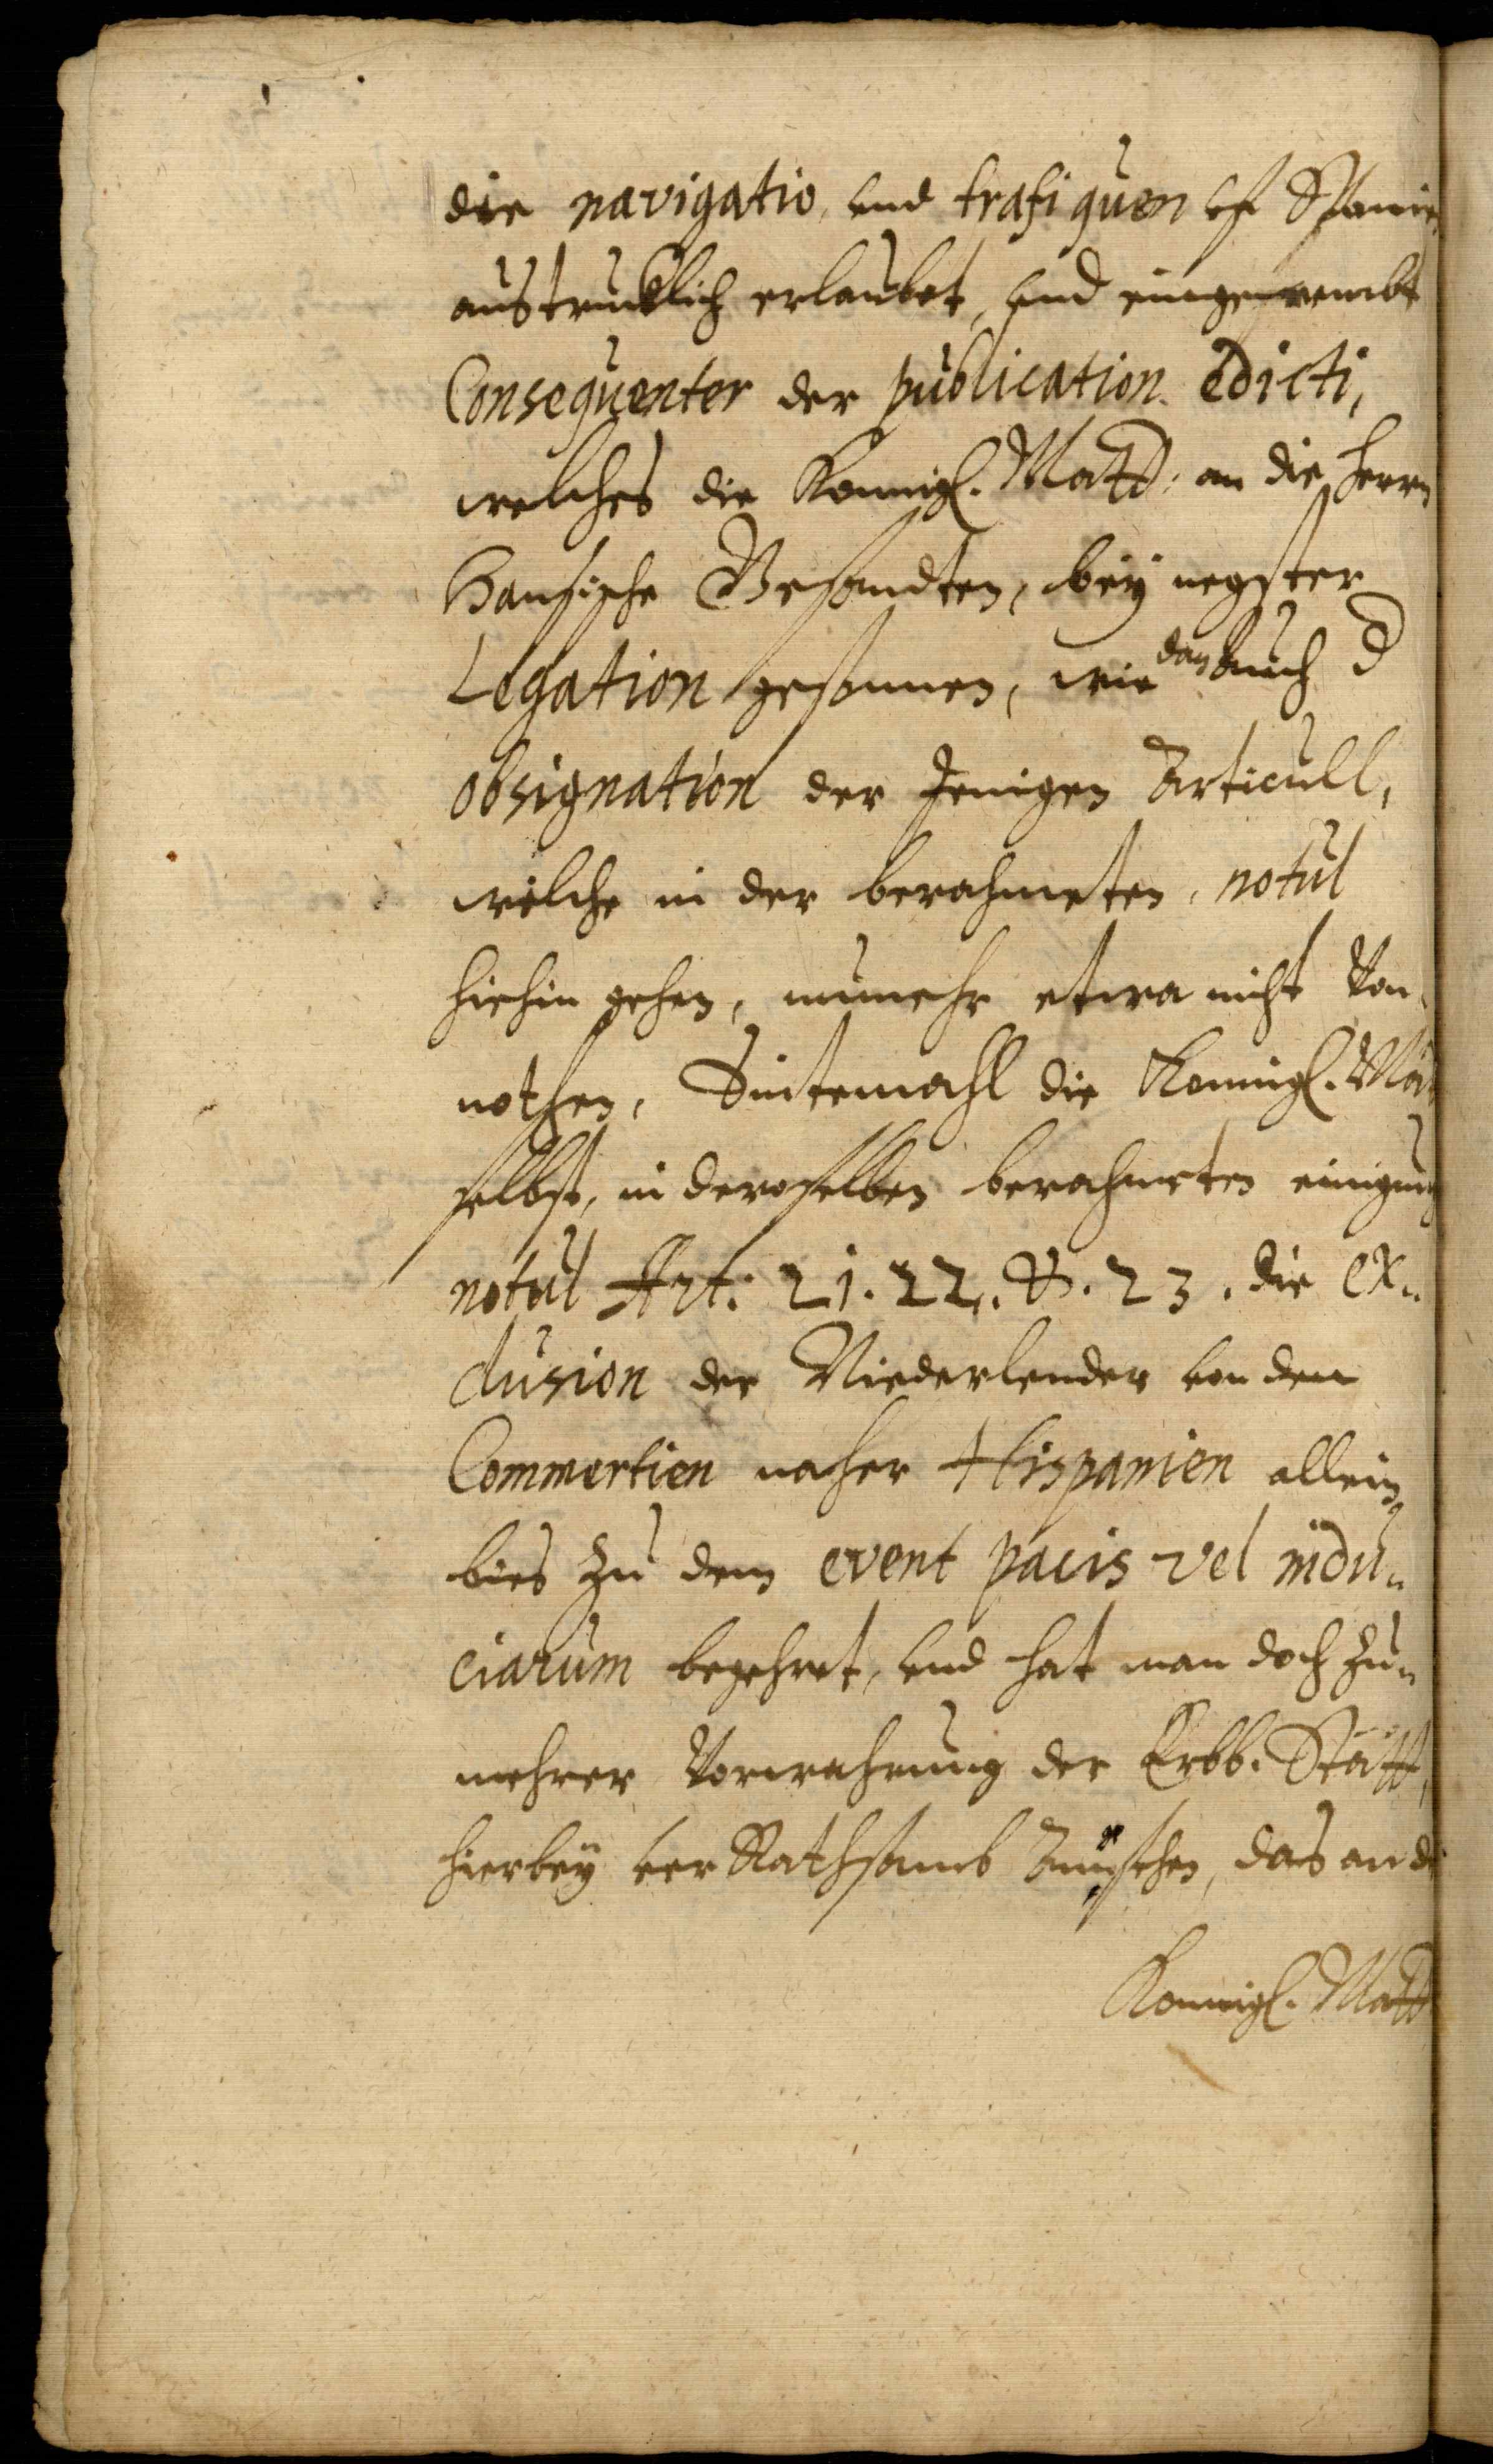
die navigatio vnd trafiquen vf Spanie
austrucklich erlaubet, vnd eingerambt
Consequenter der publication edicti,
welches die konigl. Matt: an die herrn
Hansische Gesandten, beij negster
Legation gesonnen, wie dan Auch der
obsignation der Jenigen Articull,
welche in der berahmeten, notul
hiehin gehen, numehr etwa nicht von
nothen, Sintemahl die Konigl. Mat
selbst, in deroselben berahmeten einigung
notul Art: 21. 22. &. 23. die ex¬
clusion der Niederlanden von den
Commertien naher Hispanien allein,
bies zu dem event pacis vel indu¬
ciarum begehret, vnd hat man doch zu¬
mehrer vorwahrung der Erbb: Stätt,
hierbeij vor Rathsamb Annsehen, das an der
Konigl. Matt
